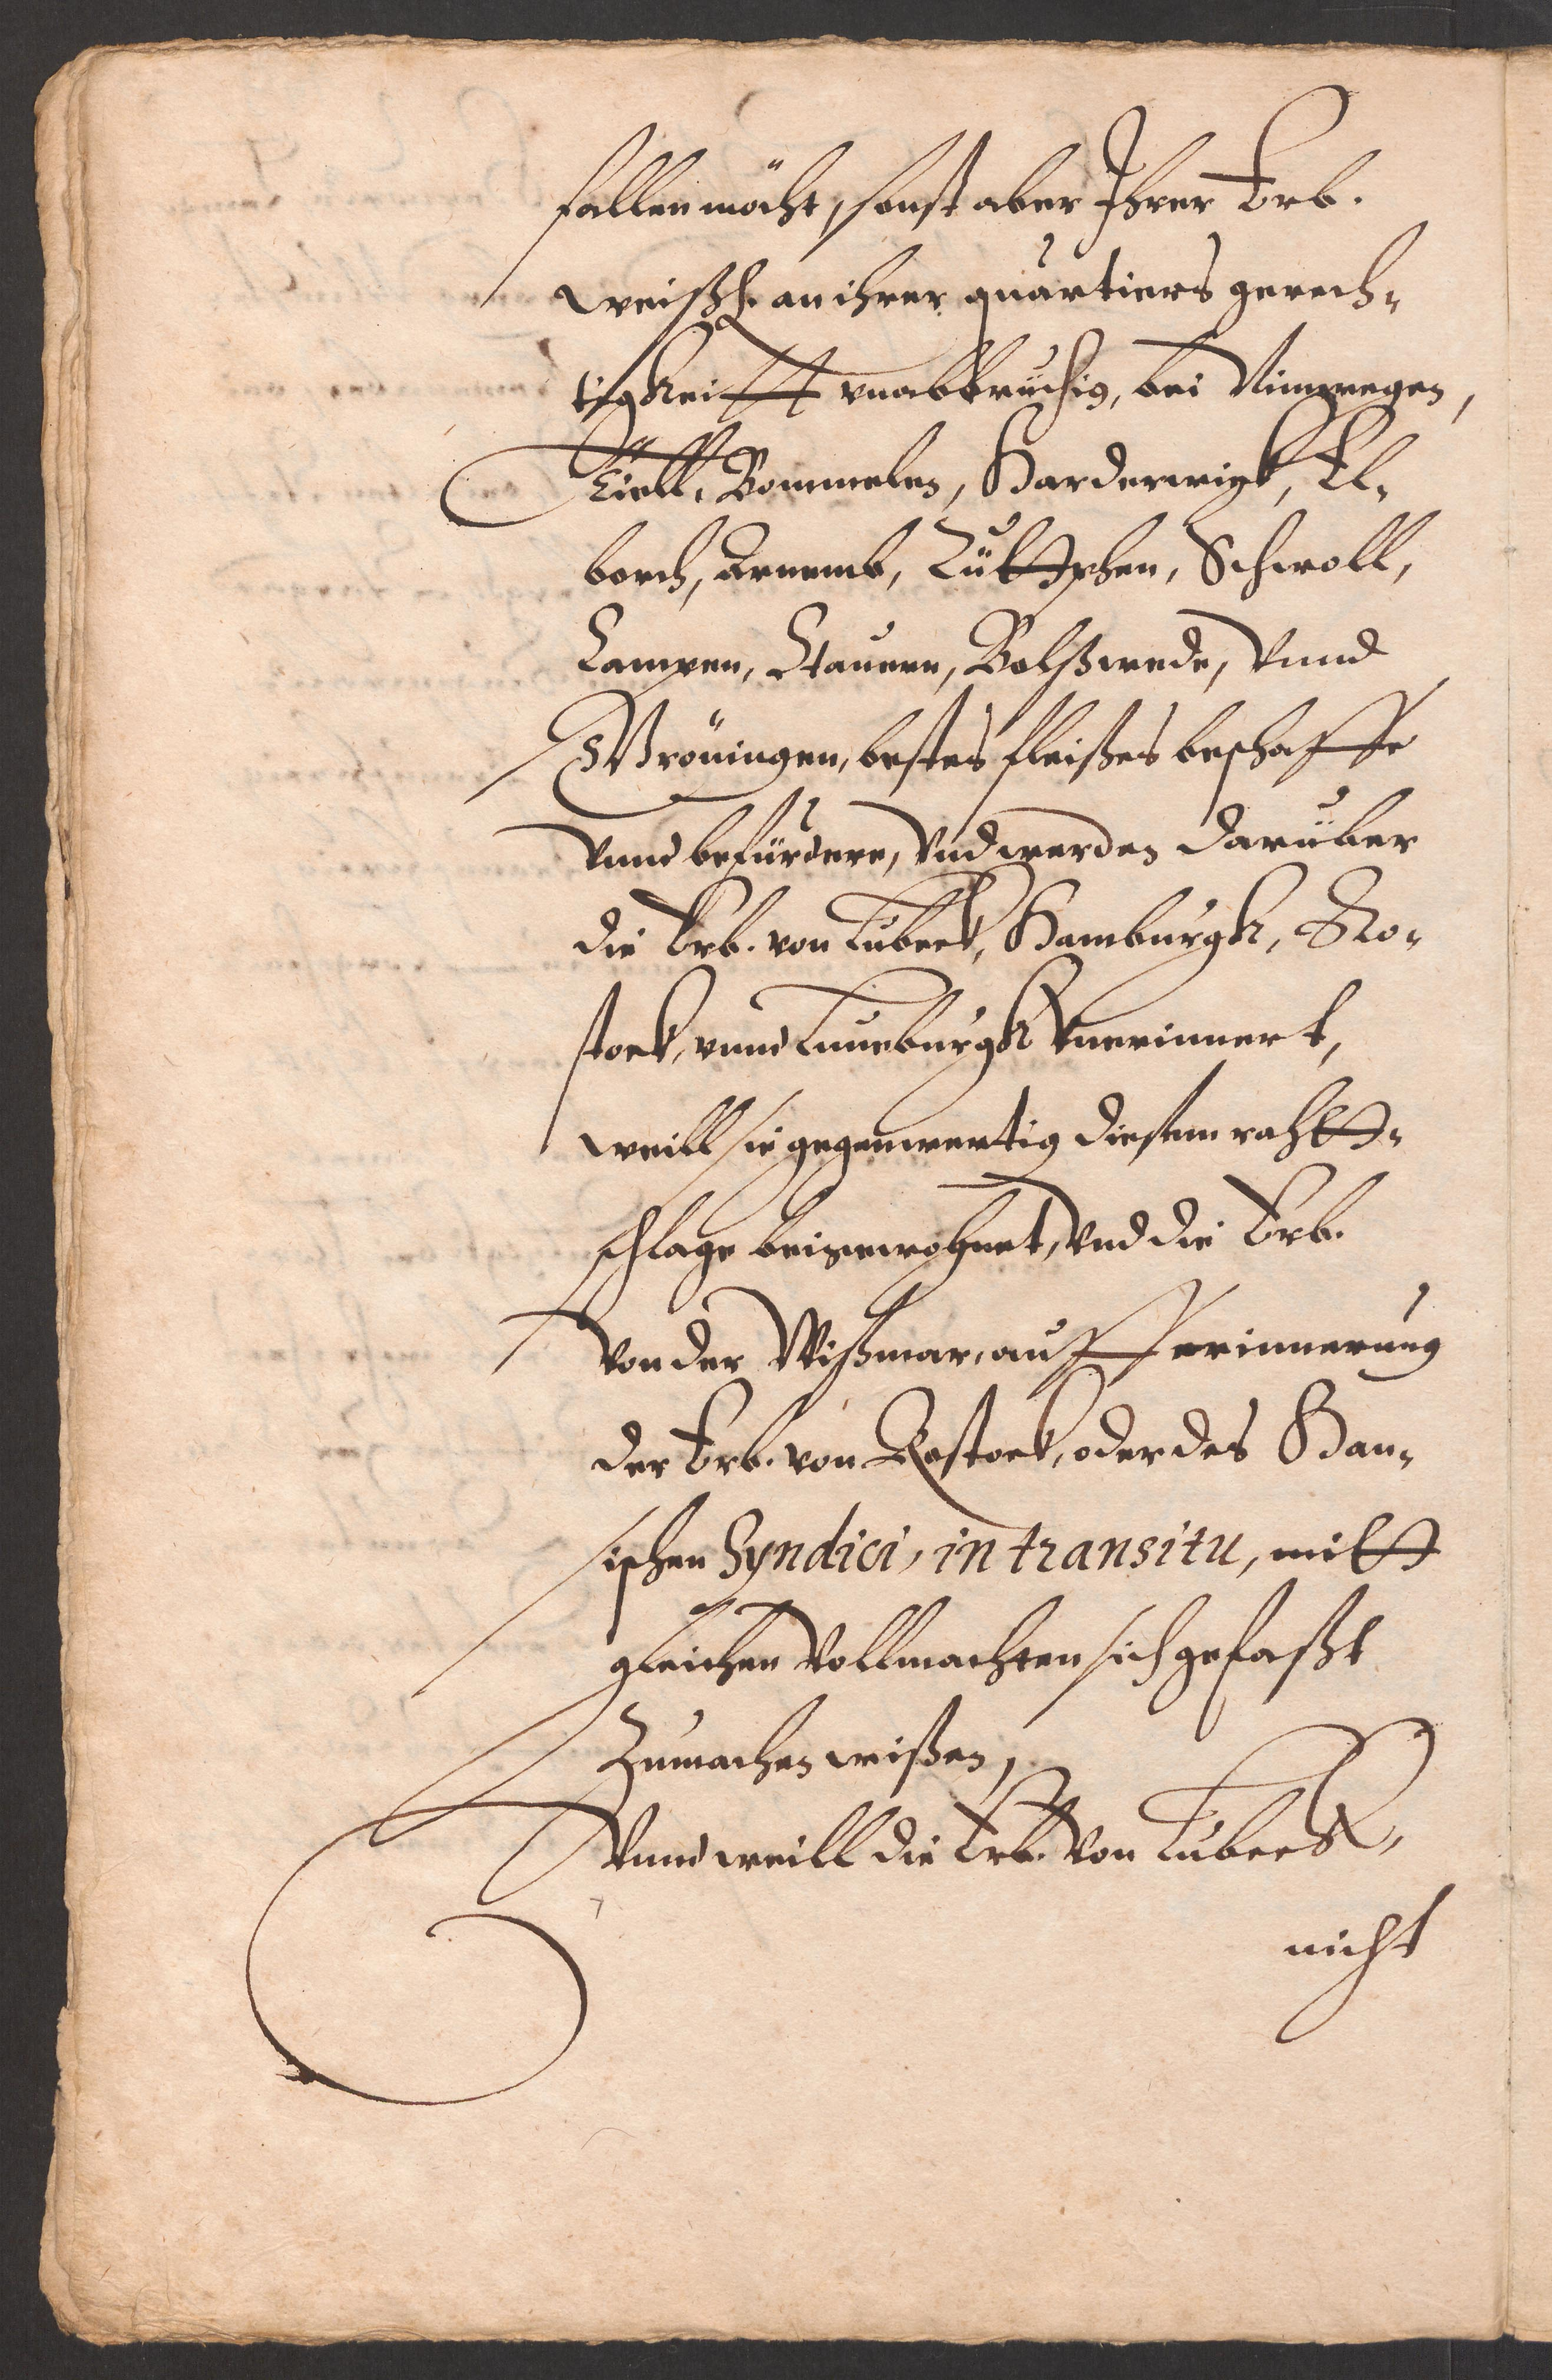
fallen möcht, sonst aber Ihrer Erb.
weißh. an ihrer quartiers gerech¬
tigkeitt vnabbrüchig, bei Nimwegen,
Tiell, Bommelen, Harderwigk, El¬
borch, Arnemb, Züttphen, Schwoll,
Campen, Stauern, Bolßwede, vnnd
Gröningen, bestes fleißes beschaffe
vnnd befürdere, vnd werden darüber
die Erb. von Lubeck, Hamburgk, Ro¬
stock, vnnd Luneburgk vereinnert,
weill sie gegenwertig dießen rahtt¬
schlage beigewohnet, vnd die Erb.
von der Wißmar, auff erinnerung
der Erb. von Rostock, oder des Han¬
sischen Syndici, in transitu, mitt
gleichen vollmachten sich gefaßt
zumachen wißen,
Vnnd weill die Erb. von Lubeck
nicht
